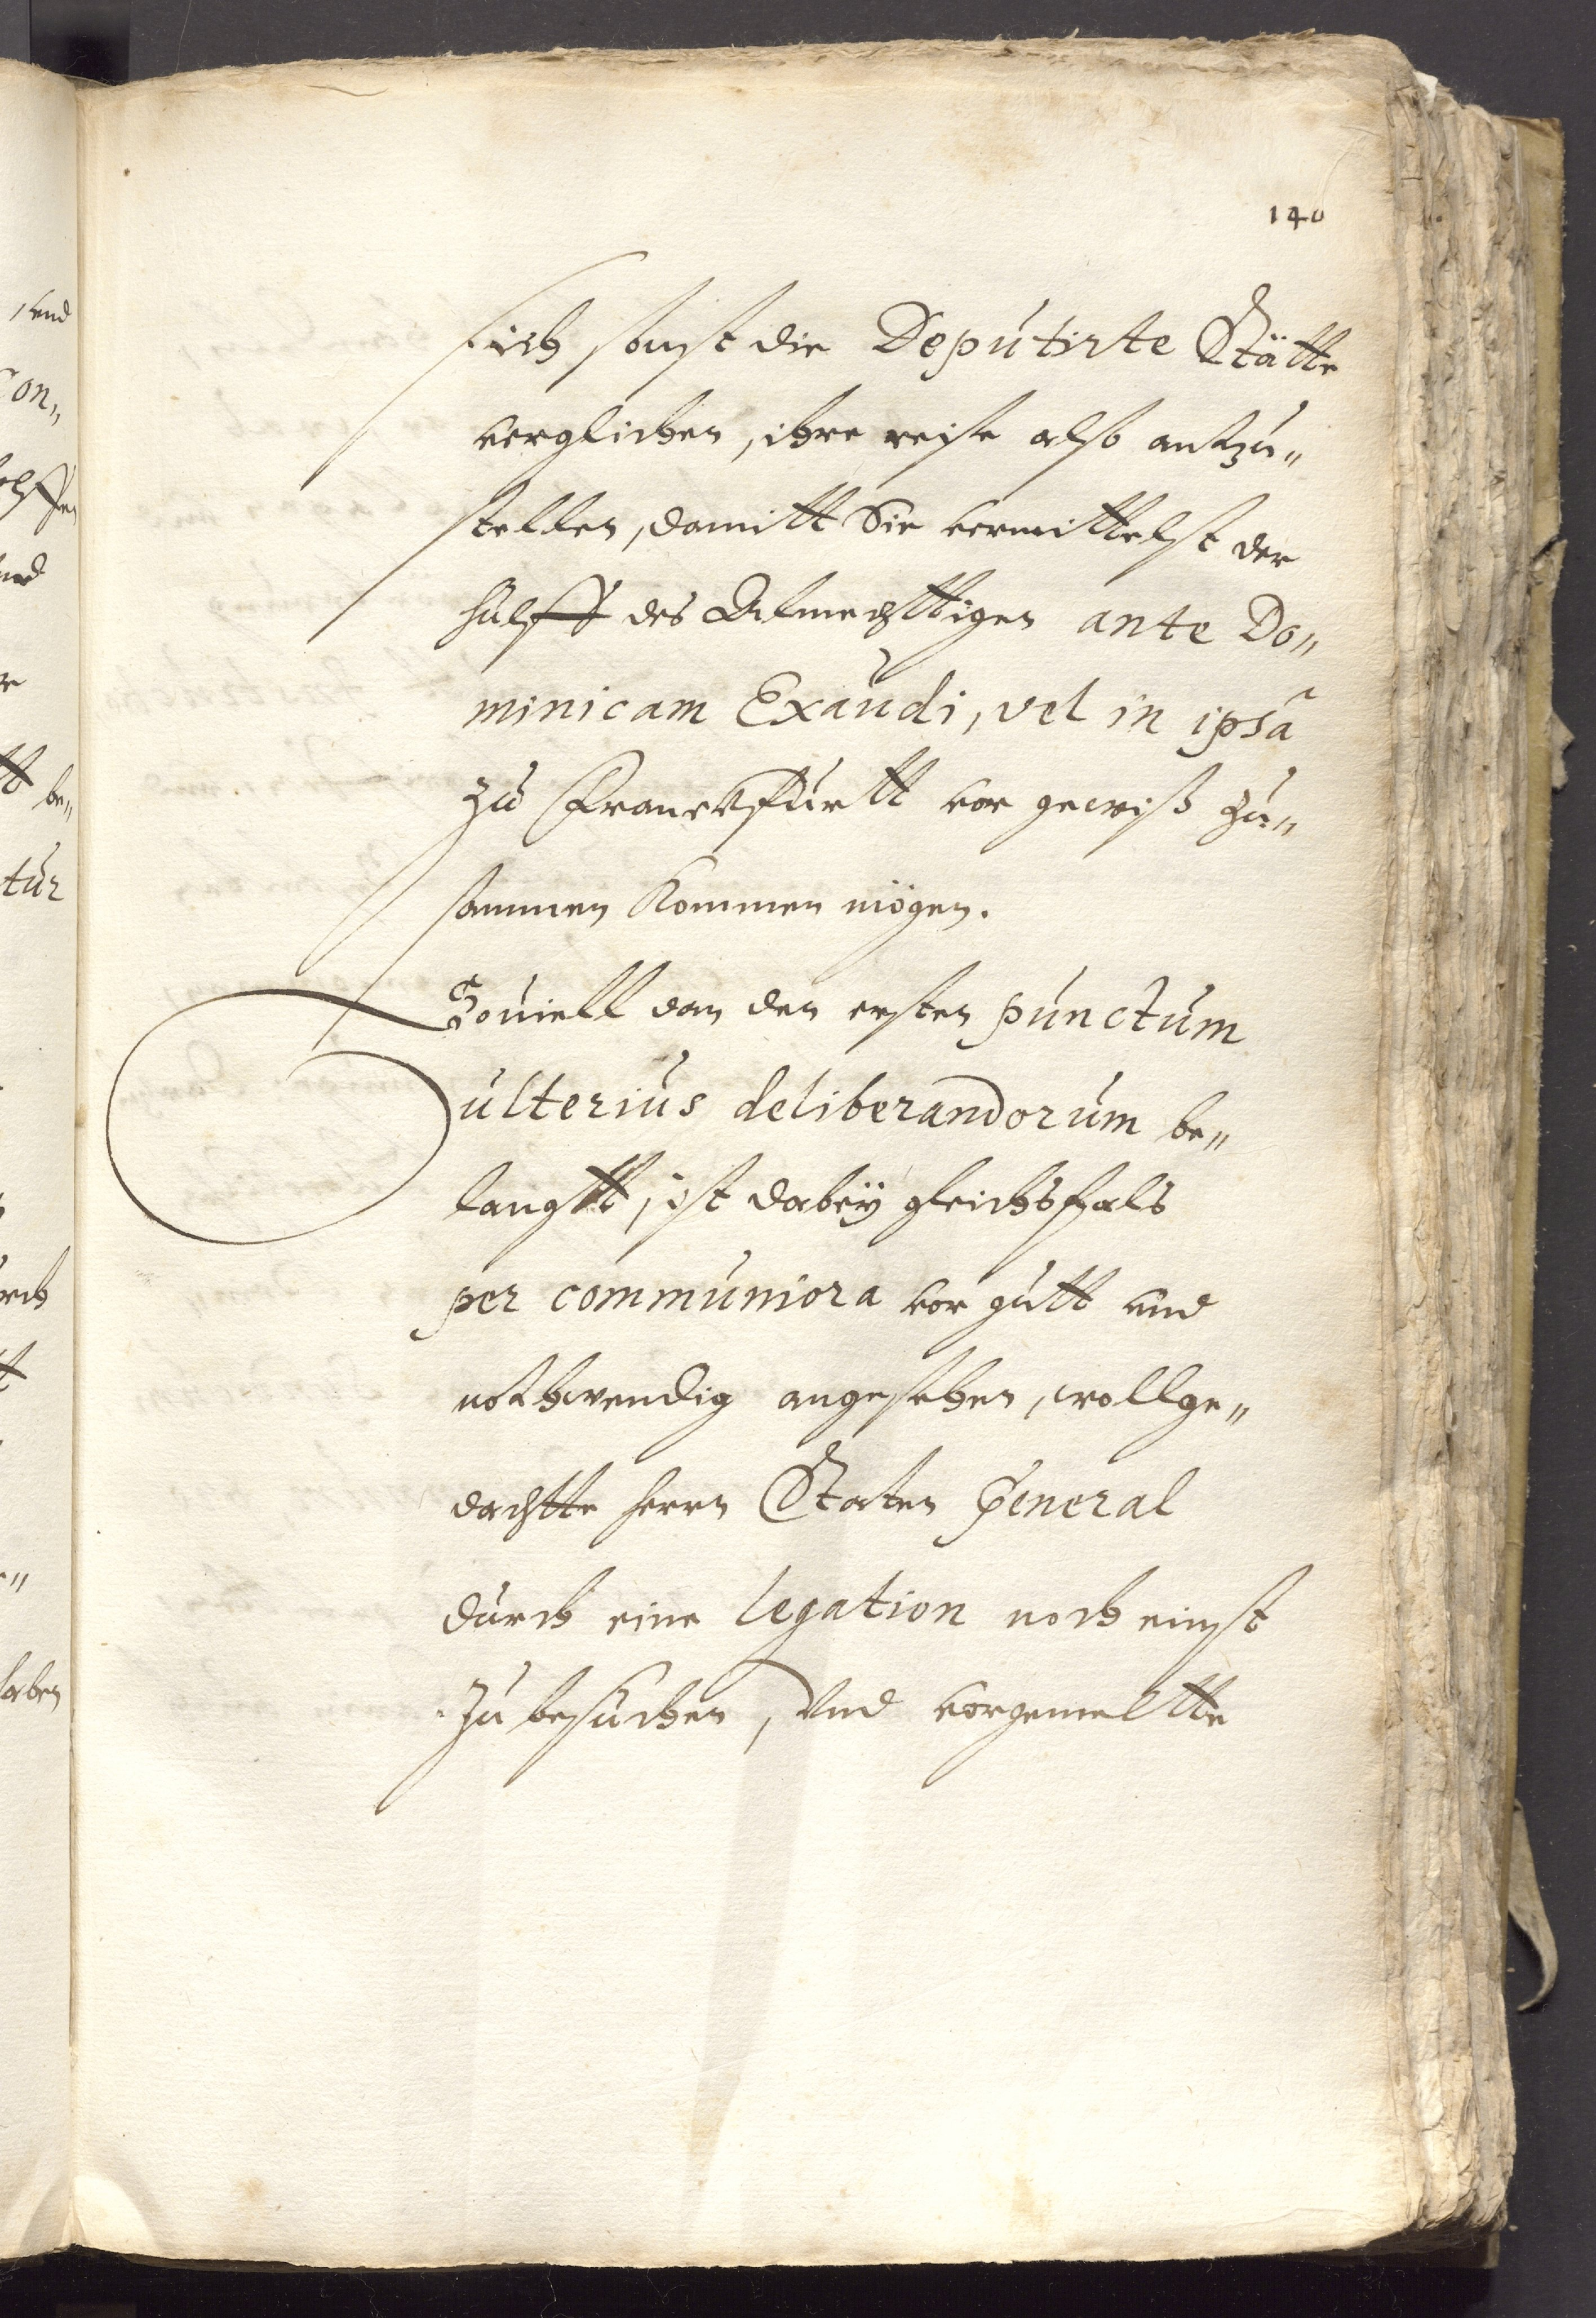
140
sich sonst die Deputirte Stätte
verglichen, ihre reise also antzu¬
stellen, damitt Sie vermittelst der
hulff des Almechttigen ante Do¬
minicam Exaudi, vet in ipsa
zu Franckfurtt vor gewiß zu¬
sammen kommen mögen.
So uiell dan den ersten punctum
ulterius deliberandorum be¬
langtt, ist dabeij gleichsfals
per communiora vor gutt vnd
nothwendig angesehen, wollge¬
dachtte herrn Statuen General
durch eine legation noch einst
zu besuchen, vnd vorgemeltte
